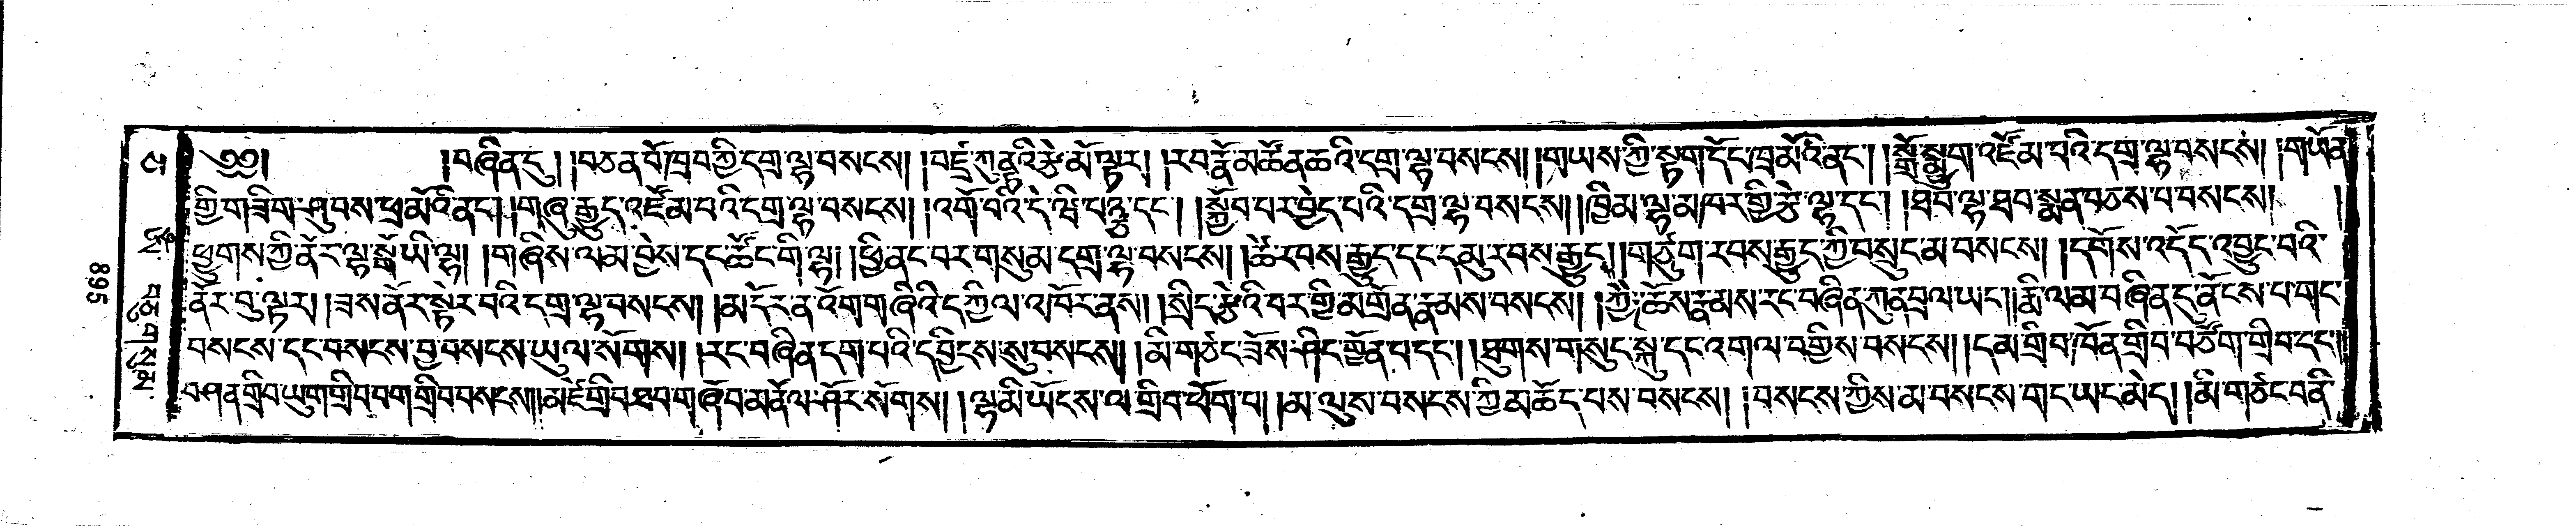༄༅། །བཞིན་དུ། །བཙན་པོ་ཁྲབ་ཀྱི་དགྲ་ལྷ་བསངས། །བཛྲ་ཀུནྟའི་རྩེ་མོ་ལྟར། །རབ་རྣོ་མཚོན་ཆའི་དགྲ་ལྷ་བསངས། །གཡས་ཀྱི་སྟག་དོང་ཁྲ་མོའི་ནང་། །སྒྲོ་སྨྱུག་འཛོམ་པའི་དགྲ་ལྷ་བསངས། །གཡོན་
གྱི་གཟིག་ཤུབས་ཕྲ་མོའི་ནང་། །གཞུ་རྒྱུད་འཛོམ་པའི་དགྲ་ལྷ་བསངས། །འགོ་བའི་དེ་ཝི་པཉྩ་དང་། །སྐྱོབ་པར་བྱེད་པའི་དགྲ་ལྷ་བསངས། །ཁྱིམ་ལྷ་མཁར་གྱི་རྩེ་ལྷ་དང་། །ཐབ་ལྷ་ཐབ་སྨན་བཅས་པ་བསངས། །
ཕྱུགས་ཀྱི་ནོར་ལྷ་སྒོ་ཡི་ལྷ། །གཞིས་ལམ་བྱེས་དང་ཚོང་གི་ལྷ། །ཕྱི་ནང་བར་གསུམ་དགྲ་ལྷ་བསངས། །ཚེ་རབས་རྒྱུད་དང་དམུ་རབས་རྒྱུད། །གཙུག་རབས་རྒྱུད་ཀྱི་བསྲུང་མ་བསངས། །དགོས་འདོད་འབྱུང་བའི་
ནོར་བུ་ལྟར། །ཟས་ནོར་སྟེར་བའི་དགྲ་ལྷ་བསངས། །མདོར་ན་འོག་གཞིའི་དཀྱིལ་འཁོར་ནས། །སྲིད་རྩེའི་བར་གྱི་མགྲོན་རྣམས་བསངས། །ཀྱཻ༑ ཆོས་རྣམས་རང་བཞིན་ཀུན་བྲལ་ཡང་། །རྨི་ལམ་བཞིན་དུ་ནོངས་པ་གང།།
བསངས་དང་བསངས་བྱ་བསངས་ཡུལ་སོགས། །རང་བཞིན་དག་པའི་དབྱིངས་སུ་བསངས། །མི་གཙང་ཟོས་ཤིང་གྱོན་པ་དང་། །ཐུགས་གསུང་སྐུ་དང་འགལ་བགྱིས་བསངས། །དམ་གྲིབ་ཁོན་གྲིབ་བཙོག་གྲིབ་དང།།
བཤན་གྲིབ་ཡུག་གྲིབ་བག་གྲིབ་བསངས། །མཛེ་གྲིབ་ཐབ་གཞོབ་མནོལ་ཤོར་སོགས། །ལྷ་མི་ཡོངས་ལ་གྲིབ་ཕོག་པ། །མ་ལུས་བསངས་ཀྱི་མཆོད་པས་བསངས། །བསངས་ཀྱིས་མ་བསངས་གང་ཡང་མེད། །མི་གཙང་བ་ནི་